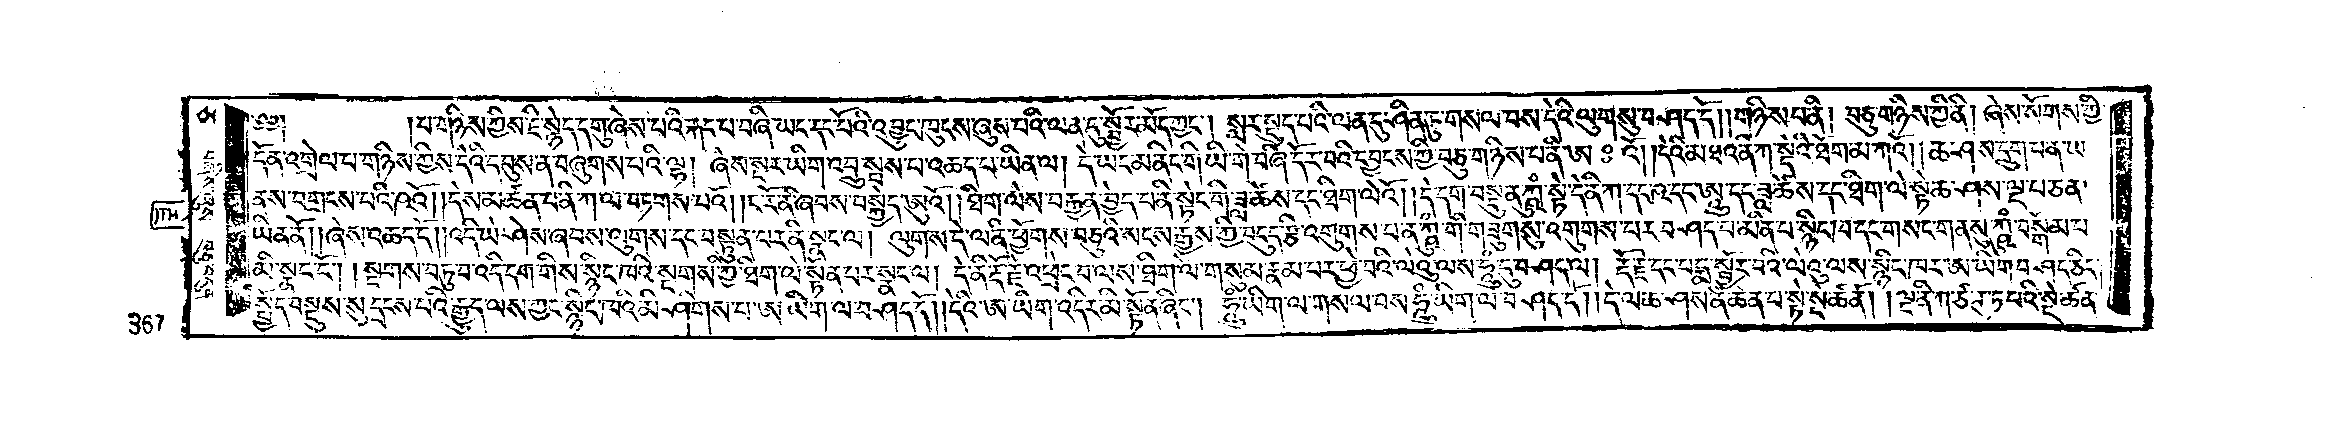༄༅། །པ་གཉིས་ཀྱིས་ཇི་སྙེད་དགུ་ཞེས་པའི་རྐང་པ་བཞི་ཡང་དང་པོའི་འབྱུང་ཁུངས་ཞུས་པའི་ལན་དུ་སྦྱོར་མོད་ཀྱང་། སླར་སྡུད་པའི་ལན་དུ་ཤིན་ཏུ་གསལ་བས་དེའི་ལུགས་སུ་བཤད་དོ། །གཉིས་པ་ནི། བཅུ་གཉིས་ཀྱི་ནི། ཞེས་སོགས་ཀྱི་
དོན་འགྲེལ་པ་གཉིས་ཀྱིས་དེའི་དབུས་ན་བཞུགས་པའི་ལྷ། ཞེས་སྔར་ཡིག་འབྲུ་སྦས་པ་འཆད་པ་ཡིན་ལ། དེ་ཡང་མ་ནིང་གི་ཡི་གེ་བཞི་དོར་བའི་དབྱངས་ཀྱི་བཅུ་གཉིས་པ་ནི་ཨཿ འོ། །དེའི་མཐའ་ནི་ཀ་སྡེའི་ཐོག་མ་ཀའོ། །ཆ་ཤས་དྲུག་པ་ནི་ཡ་
ནས་བགྲངས་པའི་ཥའོ། །དེས་མཚན་པ་ནི་ཀ་ལ་བཏགས་པའོ། །ང་རོ་ནི་ཞབས་བསྐྱེད་ཨུའོ། །ཐིག་ལེས་བརྒྱན་བྱེད་པ་ནི་སྟེང་གི་ཟླ་ཚེས་དང་ཐིག་ལེའོ། །དེ་དག་བསྡུ་ན་ཀྵུཾ་སྟེ་དེ་ནི་ཀ་དང་ཥ་དང་ཨཱུ་དང་ཟླ་ཚེས་དང་ཐིག་ལེ་སྟེ་ཆ་ཤས་ལྔ་པ་ཅན་
ཡིན་ནོ། །ཞེས་འཆད་དོ། །འདི་ཡེ་ཤེས་ཞབས་ལུགས་དང་བསྟུན་པར་ནི་སྣང་ལ། ལུགས་དེ་ལ་ནི་ཕྱོགས་བཅུའི་སངས་རྒྱས་ཀྱི་བདུད་རྩི་འགུགས་པ་ན་ཀྵུཾ་གི་གཟུགས་སུ་འགུགས་པར་བཤད་པ་མིན་པ་སྙིང་ཁ་དང་གསང་གནས་སུ་ཀྵུཾ་བསྒོམ་པ་
མི་སྣང་ངོ། །སྔགས་བཏུ་བ་འདི་དག་གིས་སྙིང་ཁའི་སྔགས་ཀྱི་ཐིག་ལེ་སྟོན་པར་སྣང་ལ། དེ་ནི་རྡོ་རྗེ་འཕྲེང་བ་ལས་ཐིག་ལེ་གསུམ་རྣམ་པར་ཕྱེ་བའི་ལེའུ་ལས་ཧཱུཾ་དུ་བཤད་ལ། རྡོ་རྗེ་དང་པདམ་སྦྱོར་བའི་ལེའུ་ལས་སྙིང་ཁར་ཨ་ཡིག་བཤད་ཅིང་།
སྤྱོད་བསྡུས་སུ་དྲངས་པའི་རྒྱུད་ལས་ཀྱང་སྙིང་ཁའི་མི་ཤིགས་པ་ཨ་ཡིག་ལ་བཤད་དོ། །དེའི་ཨ་ཡིག་འདིར་མི་སྟོན་ཞིང་། ཧཱུཾ་ཡིག་ལ་གསལ་བས་ཧཱུཾ་ཡིག་ལ་བཤད་དོ། །དེ་ལ་ཆ་ཤས་ནི་ཆེན་པ་སྟེ་སྡེ་ཚན་ནོ། །ལྔ་ནི་ཀ་ཙ་ཊ་ཏ་པའི་སྡེ་ཚན་